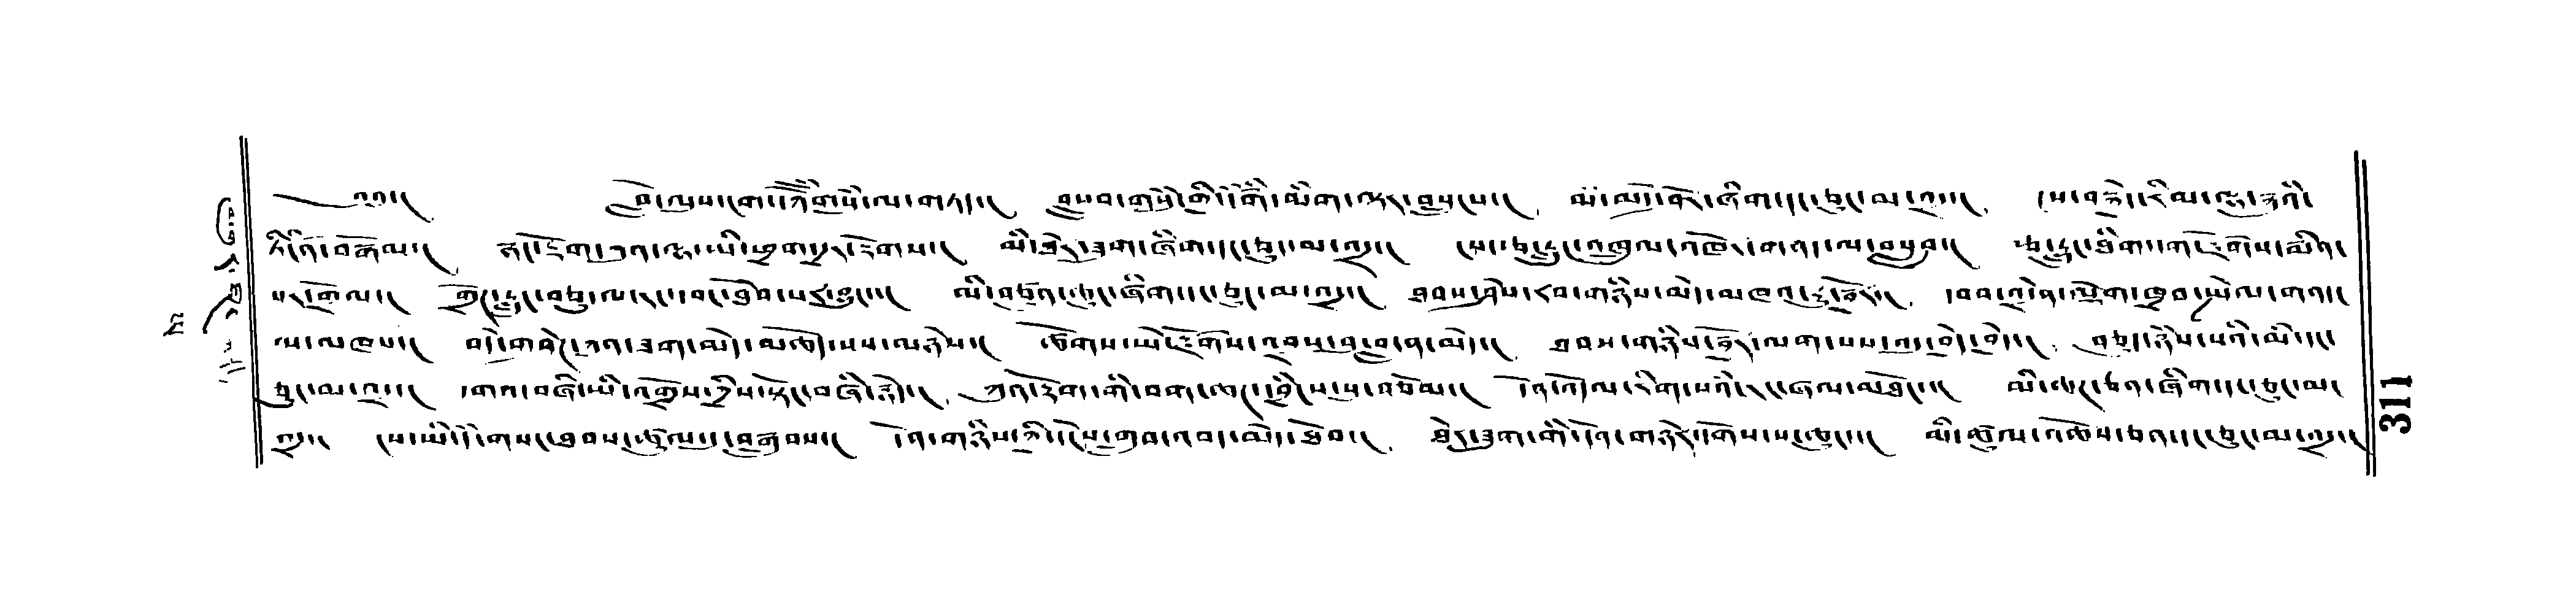།བློ་ལུས་ངག་དཀོན་མཆོག་གསུམ་ལ་གཏད། །བསླབ་གསུམ་གྱི་དམ་ཚིག་མིག་ལྟར་བསྲུངས། །མི་མདོ་ཤོར་ཞིག་དང་ཅུང་མ་འདྲ། །ངས་བསྐྱེད་རིམ་ལྷ་སྐུའི་
ཏིང་འཛིན་བསྒོམས། །སྣང་རྟོག་ཀུན་ལྷ་ཡི་ཕྱག་རྒྱར་རྟོགས། །མི་ཐེར་ཟུག་ཞིག་དང་ཅུང་མ་འདྲ། །ངས་རྩ་རླུང་འཁྲུལ་འཁོར་གནད་ལ་བསླབས། །རྩ་རླུང་ཐིག་དག་རྫོགས་སྨིན་
པར་གྲོལ། །གྲོགས་རླུང་བཅུ་ལ་རང་དབང་ཐོབ་པར་བྱུང་། །མི་བཙུན་ཆུང་ཞིག་དང་ཅུང་མ་འདྲ། །ཐབས་ཤེས་རབ་གཉིས་མེད་མཁའ་རུ་སྦྱོར། །དབབ་འདྲེན་ལྡོག་ཁྱབ་སྤེལ་གནད་
ལ་མཁས། །བདེ་གཤེགས་ཀུན་ཟག་མེད་མཆོད་པས་མཉེས། །ཚོགས་ཡེ་རྫོགས་འབྲས་བུ་བླ་ན་མེད། །ཐབས་གཉིས་སྦྱོར་ལག་པས་འདུ་བྱེད་བྱེད། །བཅུད་ཉམས་པའི་མི་དང་
ཅུང་མ་འདྲ། དགའ་བཞི་ཡི་འགྲོས་ཀྱིས་སྟོང་བཞི་རྙེད། །ཀུན་རྟོག་གི་བག་ཆགས་དབྱིངས་སུ་བཅོམ། །དོན་འོད་གསལ་རིག་པའི་རང་ཞལ་མཐོང་། །མི་ཆགས་ཅན་ཞིག་དང་ཅུང་མ་
འདྲ། །ངས་ཡི་དམ་གསང་ཐབས་ཚུལ་དུ་བསྒྲུབས། །དོན་གཉིས་ཀྱི་དངོས་གྲུབ་འབད་མེད་ཐོབ། །ཐེར་ཟུག་གི་དོན་གཉེར་དགོས་པ་ཆུང་། །མི་ཚུལ་འཆོས་ཅན་དང་ཅུང་མ་འདྲ།